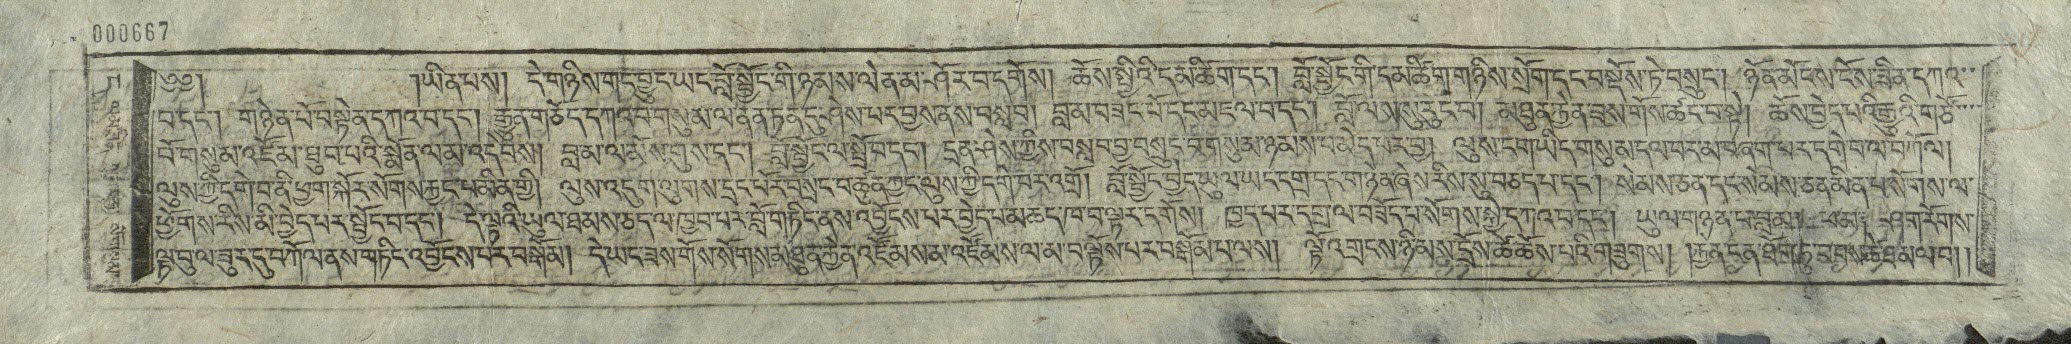༄༅། །ཡིན་པས། དེ་གཉིས་གང་བྱུང་ཡང་བློ་སྦྱོང་གི་ཉམས་ལེན་མ་ཤོར་བ་དགོས། ཆོས་སྤྱིའི་དམ་ཚིག་དང་། བློ་སྦྱོང་གི་དམ་ཚིག་གཉིས་སྲོག་དང་བསྡོས་ཏེ་བསྲུང་། ཉོན་མོངས་ངོས་ཟིན་དཀའ་
བ་དང་། གཉེན་པོ་བསྟེན་དཀའ་བ་དང་། རྒྱུན་གཅོད་དཀའ་བ་གསུམ་ལ་ནན་ཏན་དུ་ཤེས་པར་བྱས་ནས་བསླབ། བླ་མ་བཟང་པོ་དང་མཇལ་བ་དང་། བློ་ལས་སུ་རུང་བ། མཐུན་རྐྱེན་ཟས་གོས་ཚང་བ་སྟེ། ཆོས་བྱེད་པའི་རྒྱུའི་གཙོ་
བོ་གསུམ་འཛོམ་ཐུབ་པའི་སྨོན་ལམ་འདེབས། བླ་མ་ལ་མོས་གུས་དང་། བློ་སྦྱོང་ལ་སྤྲོ་བ་དང་། དྲན་ཤེས་ཀྱིས་བསླབ་བྱ་བསྲུང་བ་གསུམ་ཉམས་པ་མེད་པར་བྱ། ལུས་ངག་ཡིད་གསུམ་དལ་བར་མ་བཞག་པར་དགེ་བ་ལ་བཀོལ།
ལུས་ཀྱི་དགེ་བ་ནི་ཕྱག་སྐོར་སོགས་རྐྱང་པ་མིན་གྱི། ལུས་འདུག་ལུགས་དྲང་པོར་བསྲང་བ་ཚུན་ཀྱང་ལུས་ཀྱི་དགེ་བར་འགྲོ། བློ་སྦྱོང་བྱེད་ཡུལ་ཡང་དགྲ་དང་གཉེན་ཞེས་རིས་སུ་བཅད་པ་དང་། སེམས་ཅན་དང་སེམས་ཅན་མིན་པ་སོགས་ལ་
ཕྱོགས་རིས་མི་བྱེད་པར་སྦྱོང་བ་དང་། དེ་ལྟའི་ཡུལ་ཐམས་ཅད་ལ་ཁྱབ་པར་བློ་གཏིང་ནས་འབྱོངས་པར་བྱེད་པ་མཆད་ཁ་བ་ལྟར་དགོས། ཁྱད་པར་དགྲ་ལ་བཟོད་པ་སོགས་སྐྱེ་དཀའ་བ་དང་། ཡུལ་གཉན་པ་བླ་མ། ཕ་མ༑ ཤག་རོགས་
ལྟ་བུ་ལ་ཟུར་དུ་བཀོལ་ནས་གཏིང་འབྱོངས་པར་བསྒོམ། དེ་ཡང་ཟས་གོས་སོགས་མཐུན་རྐྱེན་འཛོམས་མ་འཛོམས་ལ་མ་བལྟོས་པར་བསྒོམ་པ་ལས། ལྟོ་འགྲངས་ཉི་མས་དྲོས་ཚེ་ཆོས་པའི་གཟུགས། །རྐྱེན་ངན་ཐོག་ཏུ་བབས་ཚེ་ཐ་མལ་བ། །